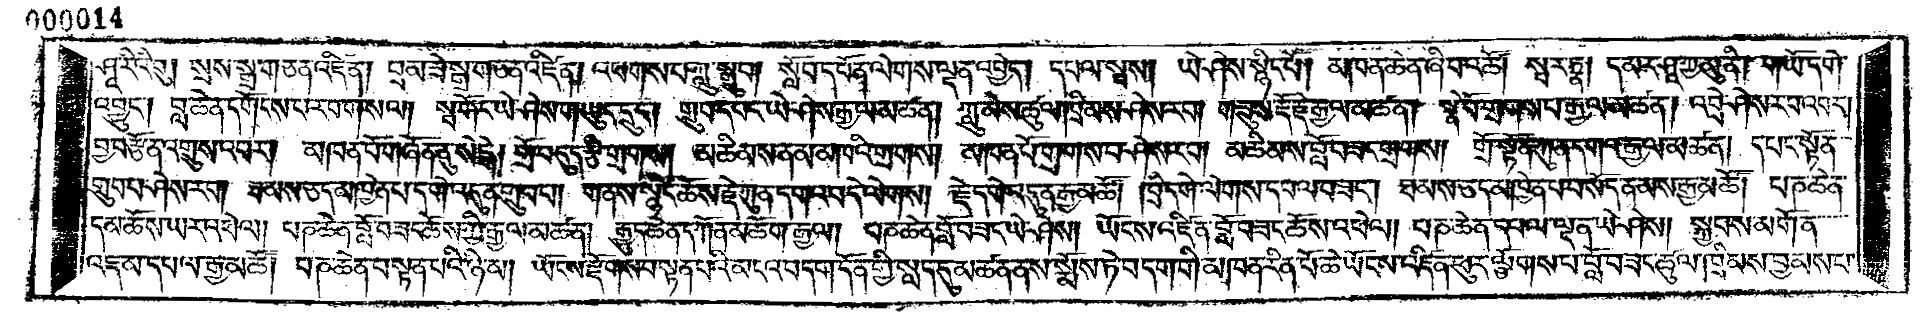ཤཱ་རིའི་བུ། སྲས་སྒྲ་གཅན་འཛིན། བྲམ་ཟེ་སྒྲ་གཅན་འཛིན། འཕགས་པ་ཀླུ་སྒྲུབ། སློབ་དཔོན་ལེགས་ལྡན་འབྱེད། དཔལ་སྦས། ཡེ་ཤེས་སྙིང་པོ། མཁན་ཆེན་ཞི་བ་འཚོ། སྤར་ཏྣ། དམར་ཤཱ་ཀྱ་མུ་ནི། གཡོ་དགེ་
འབྱུང་། བླ་ཆེན་དགོངས་པ་རབ་གསལ། སྦ་གོང་ཡེ་ཤེས་གཡུང་དྲུང་། གྲུབ་དབང་ཡེ་ཤེས་རྒྱལ་མཚན། ཀླུ་མེས་ཚུལ་ཁྲིམས་ཤེས་རབ། གཟུས་རྡོ་རྗེ་རྒྱལ་མཚན། སྣེ་བོ་གྲགས་པ་རྒྱལ་མཚན། འབྲེ་ཤེས་རབ་འབར།
བྱ་བརྩོན་འགྲུས་འབར། མཁན་པོ་གཞོན་ནུ་སེངྒེ། གྲོ་བདུད་རྩི་གྲགས། མཆིམས་ནམ་མཁའི་གྲགས། མཁན་པོ་གྲགས་པ་ཤེས་རབ། མཆིམས་བློ་བཟང་གྲགས། གྲོ་སྟོན་ཀུན་དགའ་རྒྱལ་མཚན། དཔང་སྟོན་
གྲུབ་པ་ཤེས་རབ། ཐམས་ཅད་མཁྱེན་པ་དགེ་འདུན་གྲུབ་པ། གནས་སྙིང་ཆོས་རྗེ་ཀུན་དགའ་བདེ་ལེགས། རྗེ་དགེ་བདུན་རྒྱ་མཚོ། ཁྲི་དགེ་ལེགས་དཔལ་བཟང་། ཐམས་ཅད་མཁྱེན་པ་བསོད་ནམས་རྒྱ་མཚོ། པཎ་ཆེན་
དམ་ཆོས་ཡར་འཕེལ། པཎ་ཆེན་བློ་བཟང་ཆོས་ཀྱི་རྒྱལ་མཚན། རྒྱུད་ཆེན་དཀོན་མཆོག་རྒྱལ། པཎ་ཆེན་བློ་བཟང་ཡེ་ཤེས། ཡོངས་འཛིན་བློ་བཟང་ཆོས་འཕེལ། པཎ་ཆེན་དཔལ་ལྡན་ཡེ་ཤེས། སྐྱབས་མགོན་
འཇམ་དཔལ་རྒྱ་མཚོ། པཎ་ཆེན་བསྟན་པའི་ཉི་མ། ཡོངས་རྫོགས་བསྟན་པའི་མངའ་བདག་དོན་གྱི་སླད་དུ་མཚན་ནས་སྨོས་ཏེ་བདག་གི་མཁན་རིན་པོ་ཆེ་ཡོངས་འཛིན་ཕུར་ལྕོགས་པ་བློ་བཟང་ཚུལ་ཁྲིམས་བྱམས་པ་